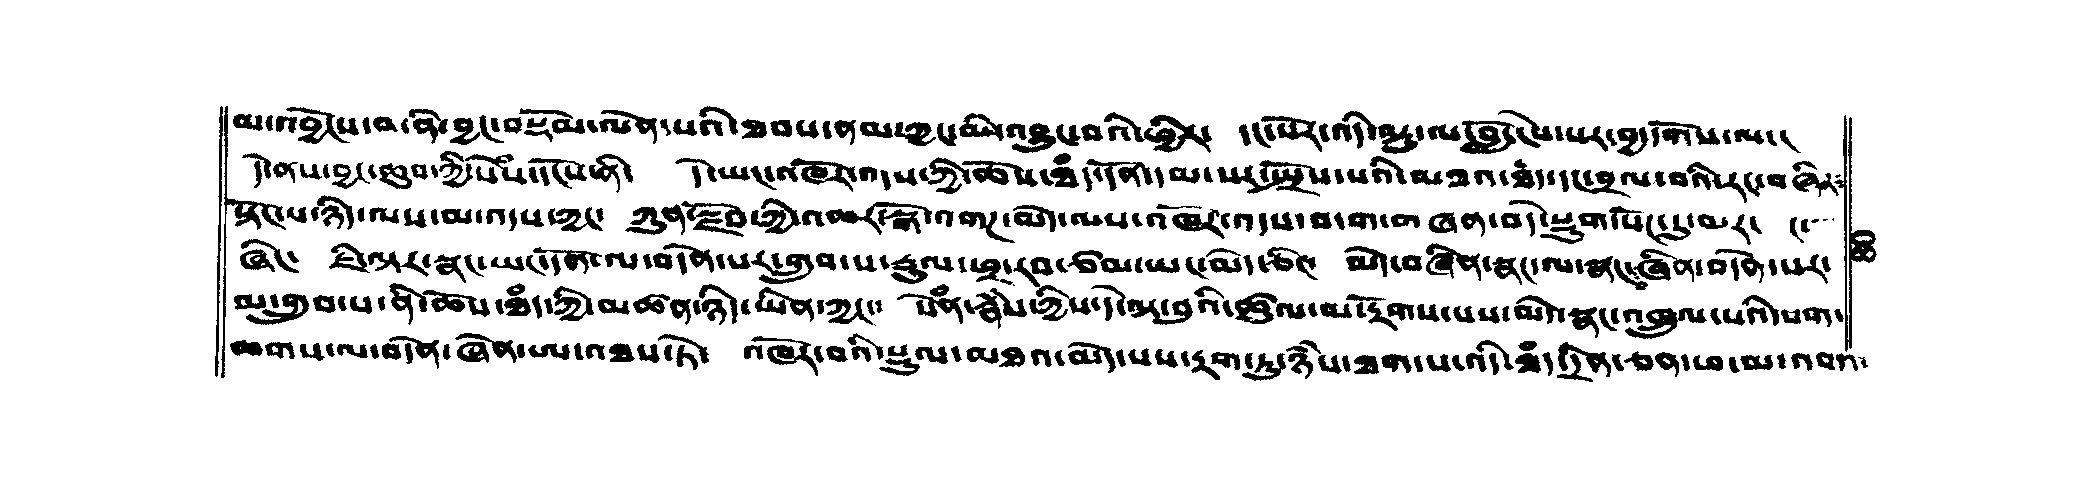མ་འབྱོངས་བ་ནི་བྷྱང་བསྡོམ་ལེན་པའི་ཐབས་ནམ་ཀྱང་མི་འབྱུང་བའི་ཕྱིར། དང་པོར་འདི་ལྟ་བུ་ལ་བློ་ངེས་པར་བྱ་དགོས་ལ། 
དེ་ནས་བྱང་ཆུབ་ཀྱི་སེམས་དངོས་ནི། དེུ་ང་འཁོར་འདས་ཀྱི་ཆོས་ཐམས་ཅད་དོན་དམ་པར་སྤྲོས་པའི་མཐའ་ཐམས་ཅད་དང་བྲལ་བའི་རང་བཞིན་
སྟོང་པ་ནིད་ལས་མ་འདས་ཀྱང་། ཀུན་རྫོབ་ཀྱི་འཆར་སྒོ་འགགས་མེད་ལས་འཁོར་འདས་བདག་གཞན་བདེ་སྡུག་སོགས་དུ་མར། ང་
ཞིང་། ཇི་ལྟར་སྣང་ཡང་དོན་ལ་བདེན་པར་གྲུབ་པ་རྡུལ་ཕྲ་རབ་ཙམ་ཡང་མེད་ཅིང་། མེད་བཞིན་སྣང་ལ་སྣང་བཞིན་བདེན་པར་
མ་གྲུབ་པ་ནི་ཆོས་ཐམས་ཅད་ཀྱི་མཚན་ཉིད་ཡིན་ཡང་། སེམས་ཅན་རྣམས་ཀྱིས་དེ་ལྟ་བུའི་ཚུལ་མ་རྟོགས་པས་མེད་སྣང་འཁྲུལ་པའི་དཔག་
ཆགས་ལ་བདེན་ཞེན་ཨ་འཐས་ཏེ། འཁོར་བའི་སྡུག་བསྔལ་མཐའ་མེད་པས་རྟག་ཏུ་ཉམས་ཐག་པ་འདི་ཐམས་ཅད་དྲིན་ཅན་ཕ་མ་འབའ་